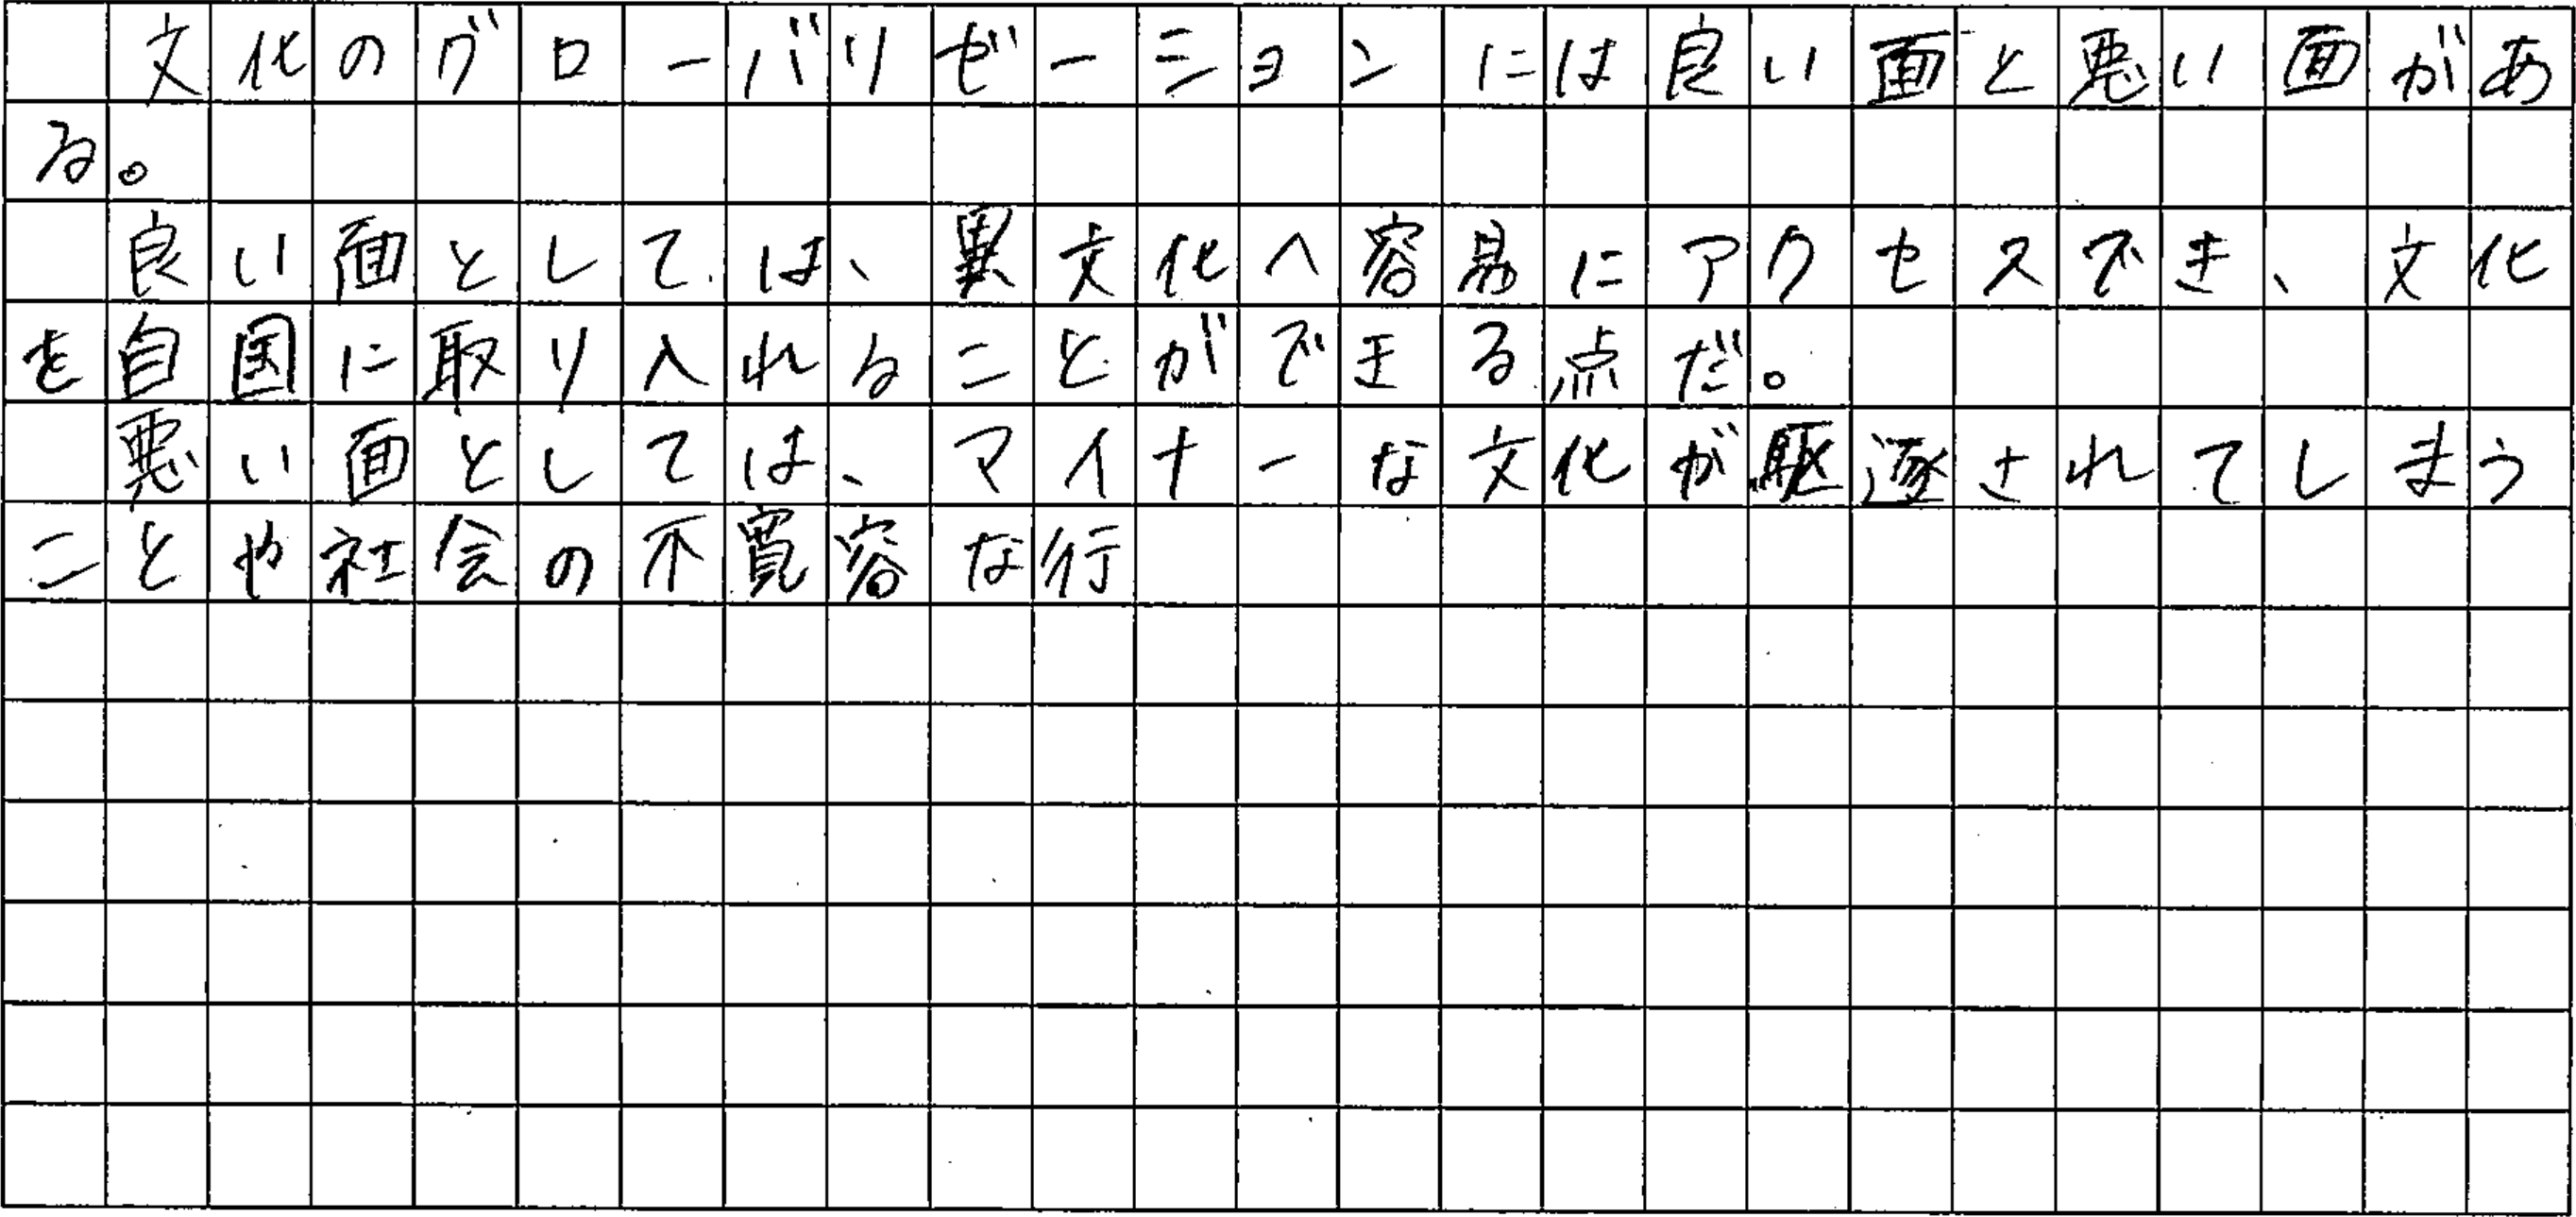　文化のグローバリゼーションには良い面と悪い面がある。
　良い面としては、異文化へ容易にアクセスでき、文化を自国に取り入れることができる点だ。
　悪い面としては、マイナーな文化が駆逐されてしまうことや社会の不寛容な行
